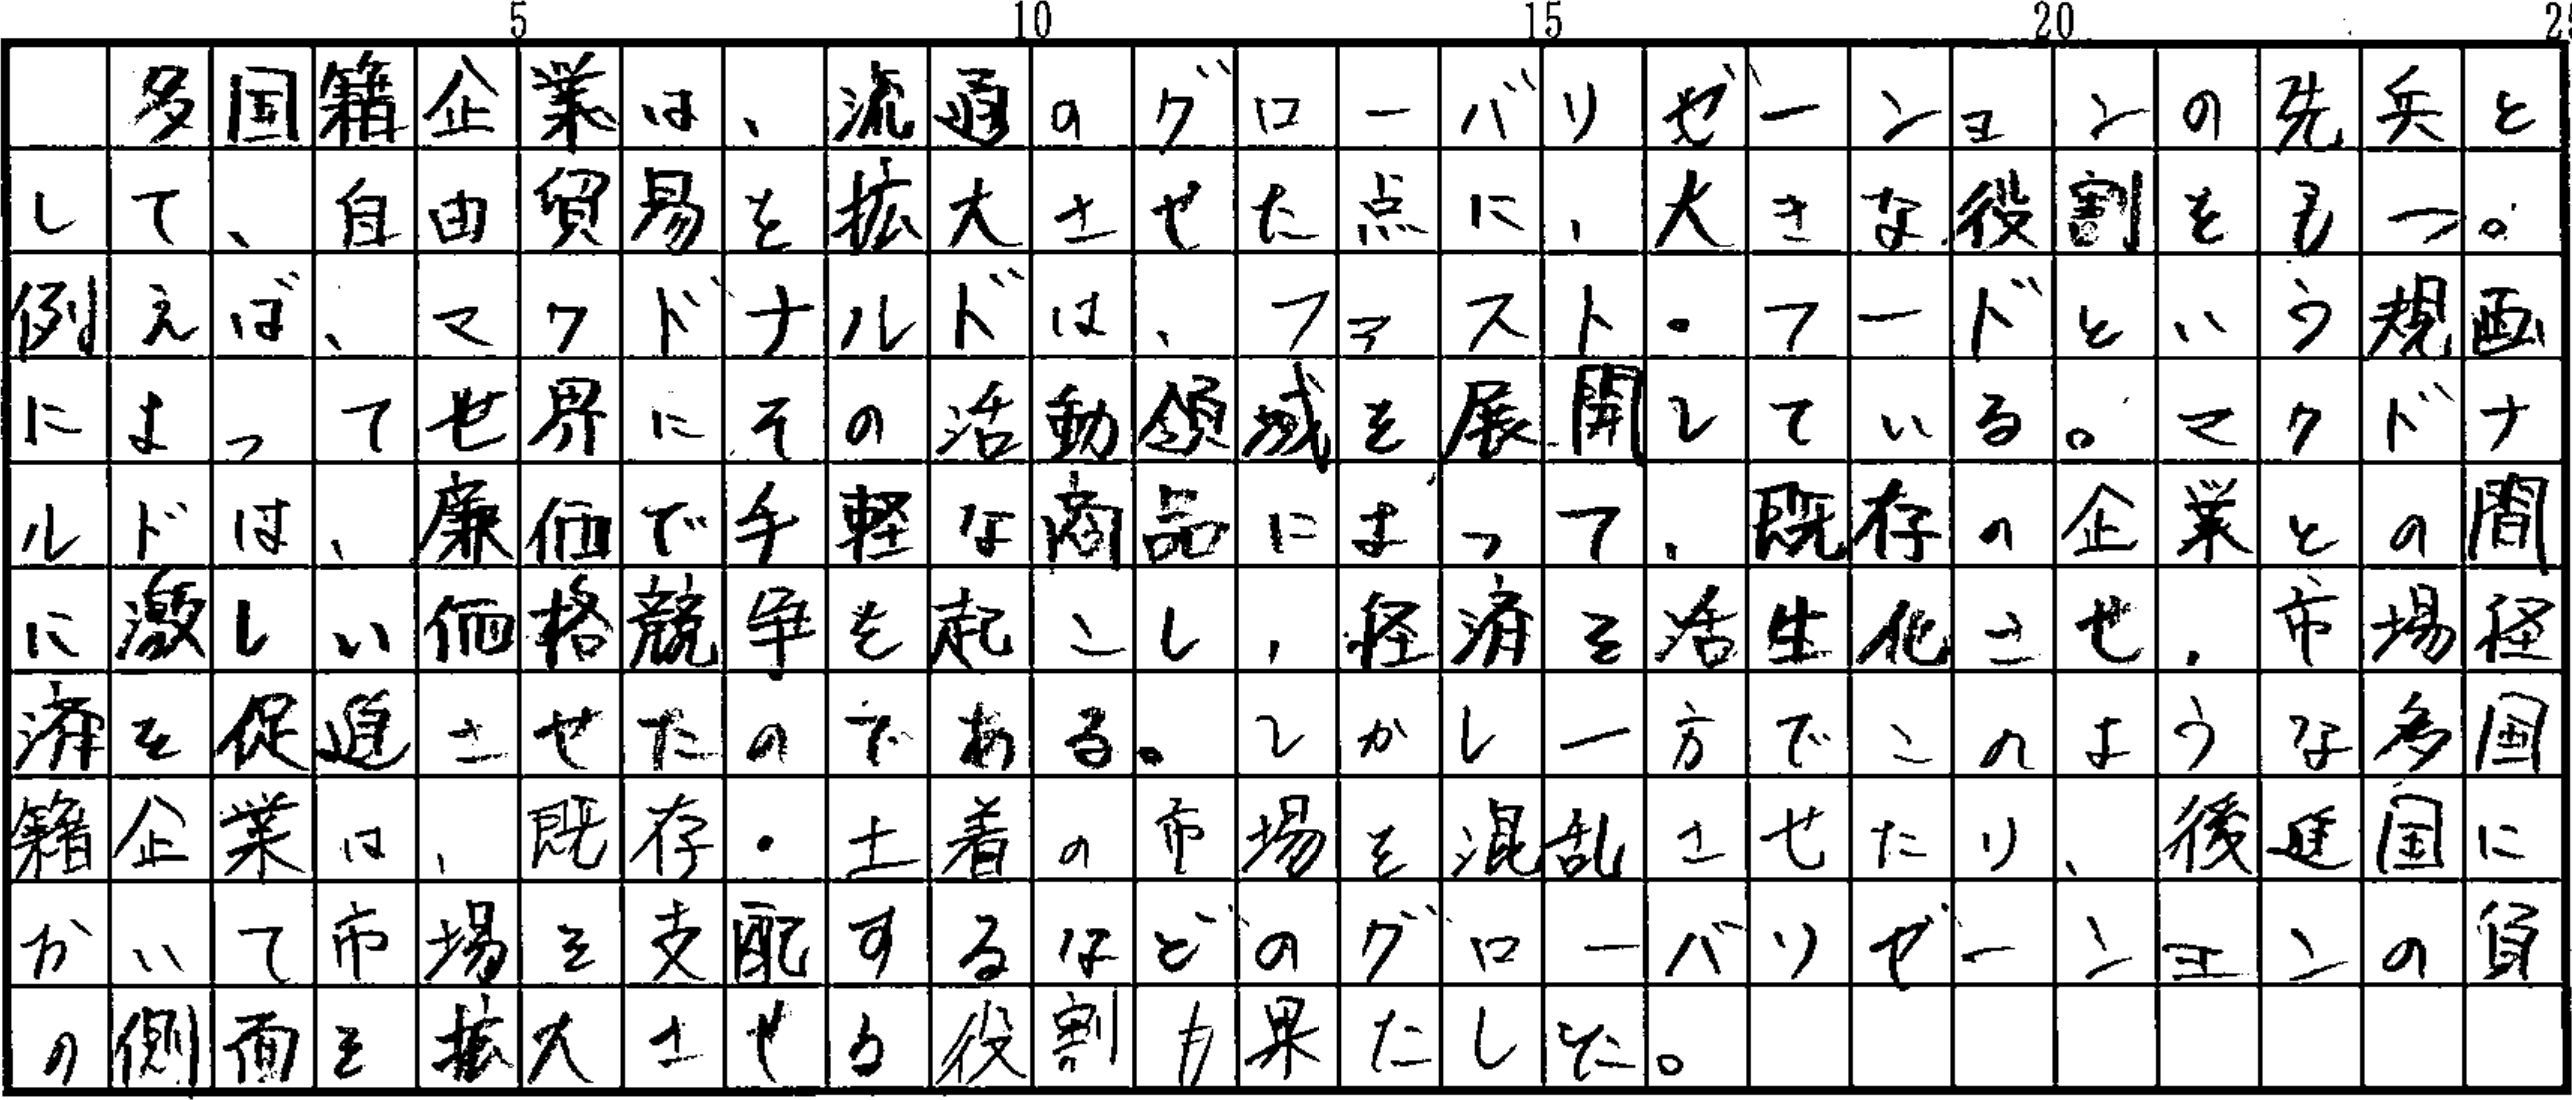　多国籍企業は、流通のグローバリゼーションの先兵として、自由貿易を拡大させた点に、大きな役割をもつ。例えば、マクドナルドは、ファスト・フードという規画によって世界にその活動領域を展開している。マクドナルドは、廉価で手軽な商品によって、既存の企業との間に激しい価格競争を起こし、経済を活生化させ、市場経済を促進させたのである。しかし一方でこのような多国籍企業は、既存・土着の市場を混乱させたり、後進国において市場を支配するなどのグローバリゼーションの負の側面を拡大させる役割も果たした。
